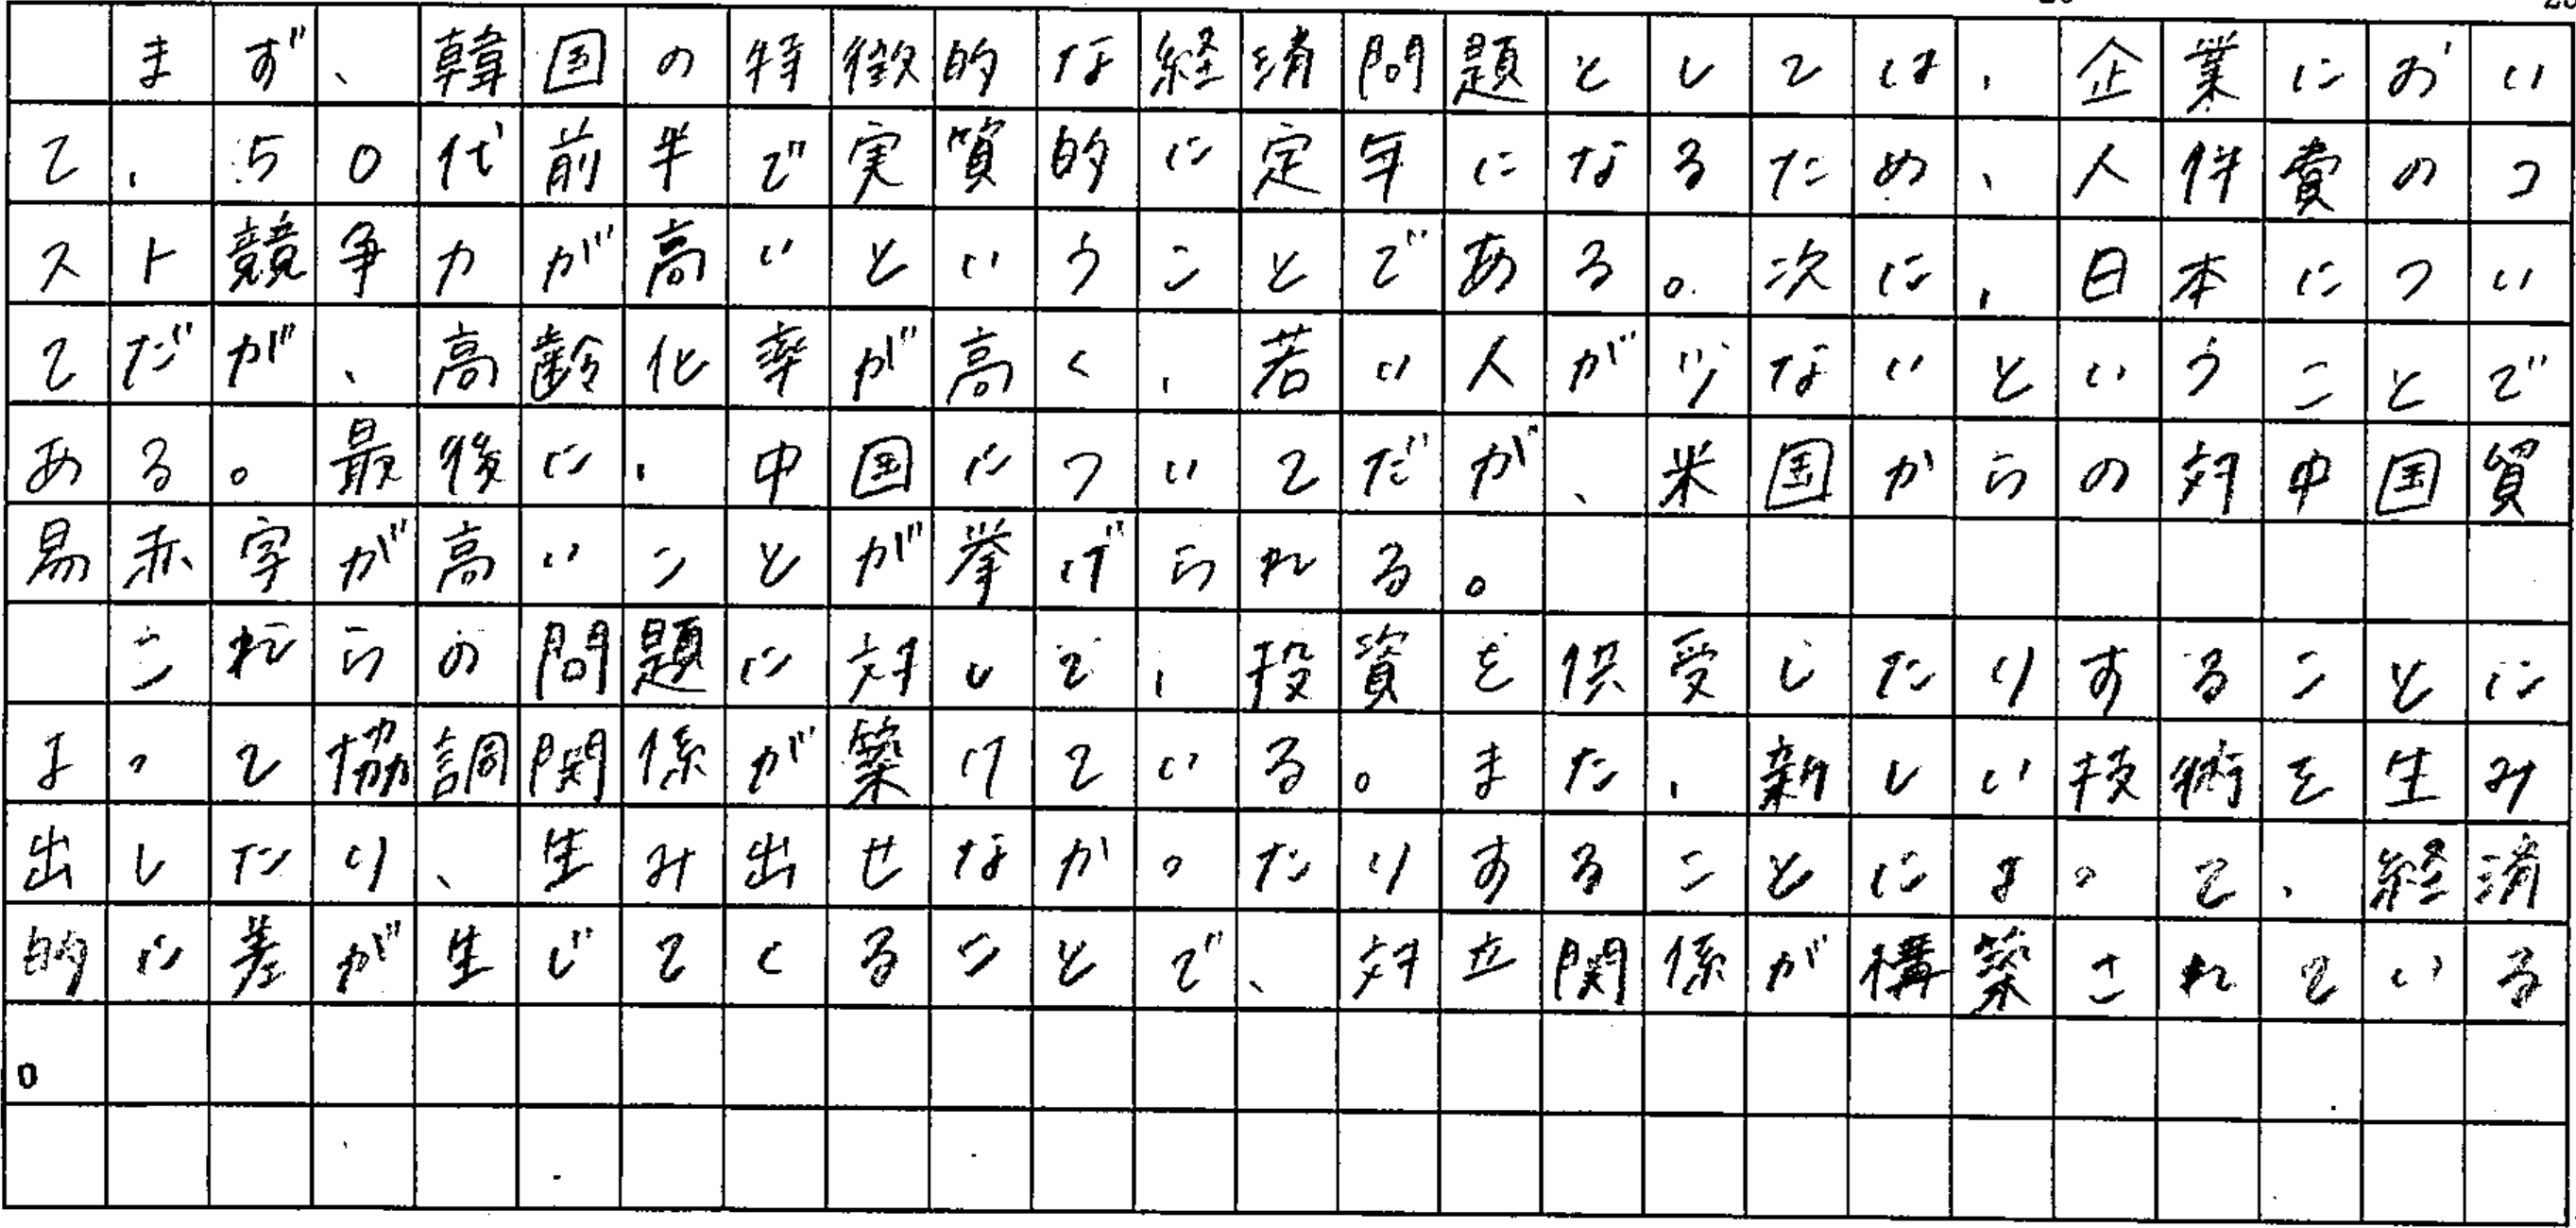　まず、韓国の特徴的な経済問題としては、企業において、５０代前半で実質的に定年になるため、人件費のコスト競争力が高いということである。次に、日本についてだが、高齢化率が高く、若い人が少ないということである。最後に、中国についてだが、米国からの対中国貿易赤字が高いことが挙げられる。
　これらの問題に対して、投資を供受したりすることによって協調関係が築けている。また、新しい技術を生み出したり、生み出せなかったりすることによって、経済的に差が生じてくることで、対立関係が構築されている。
